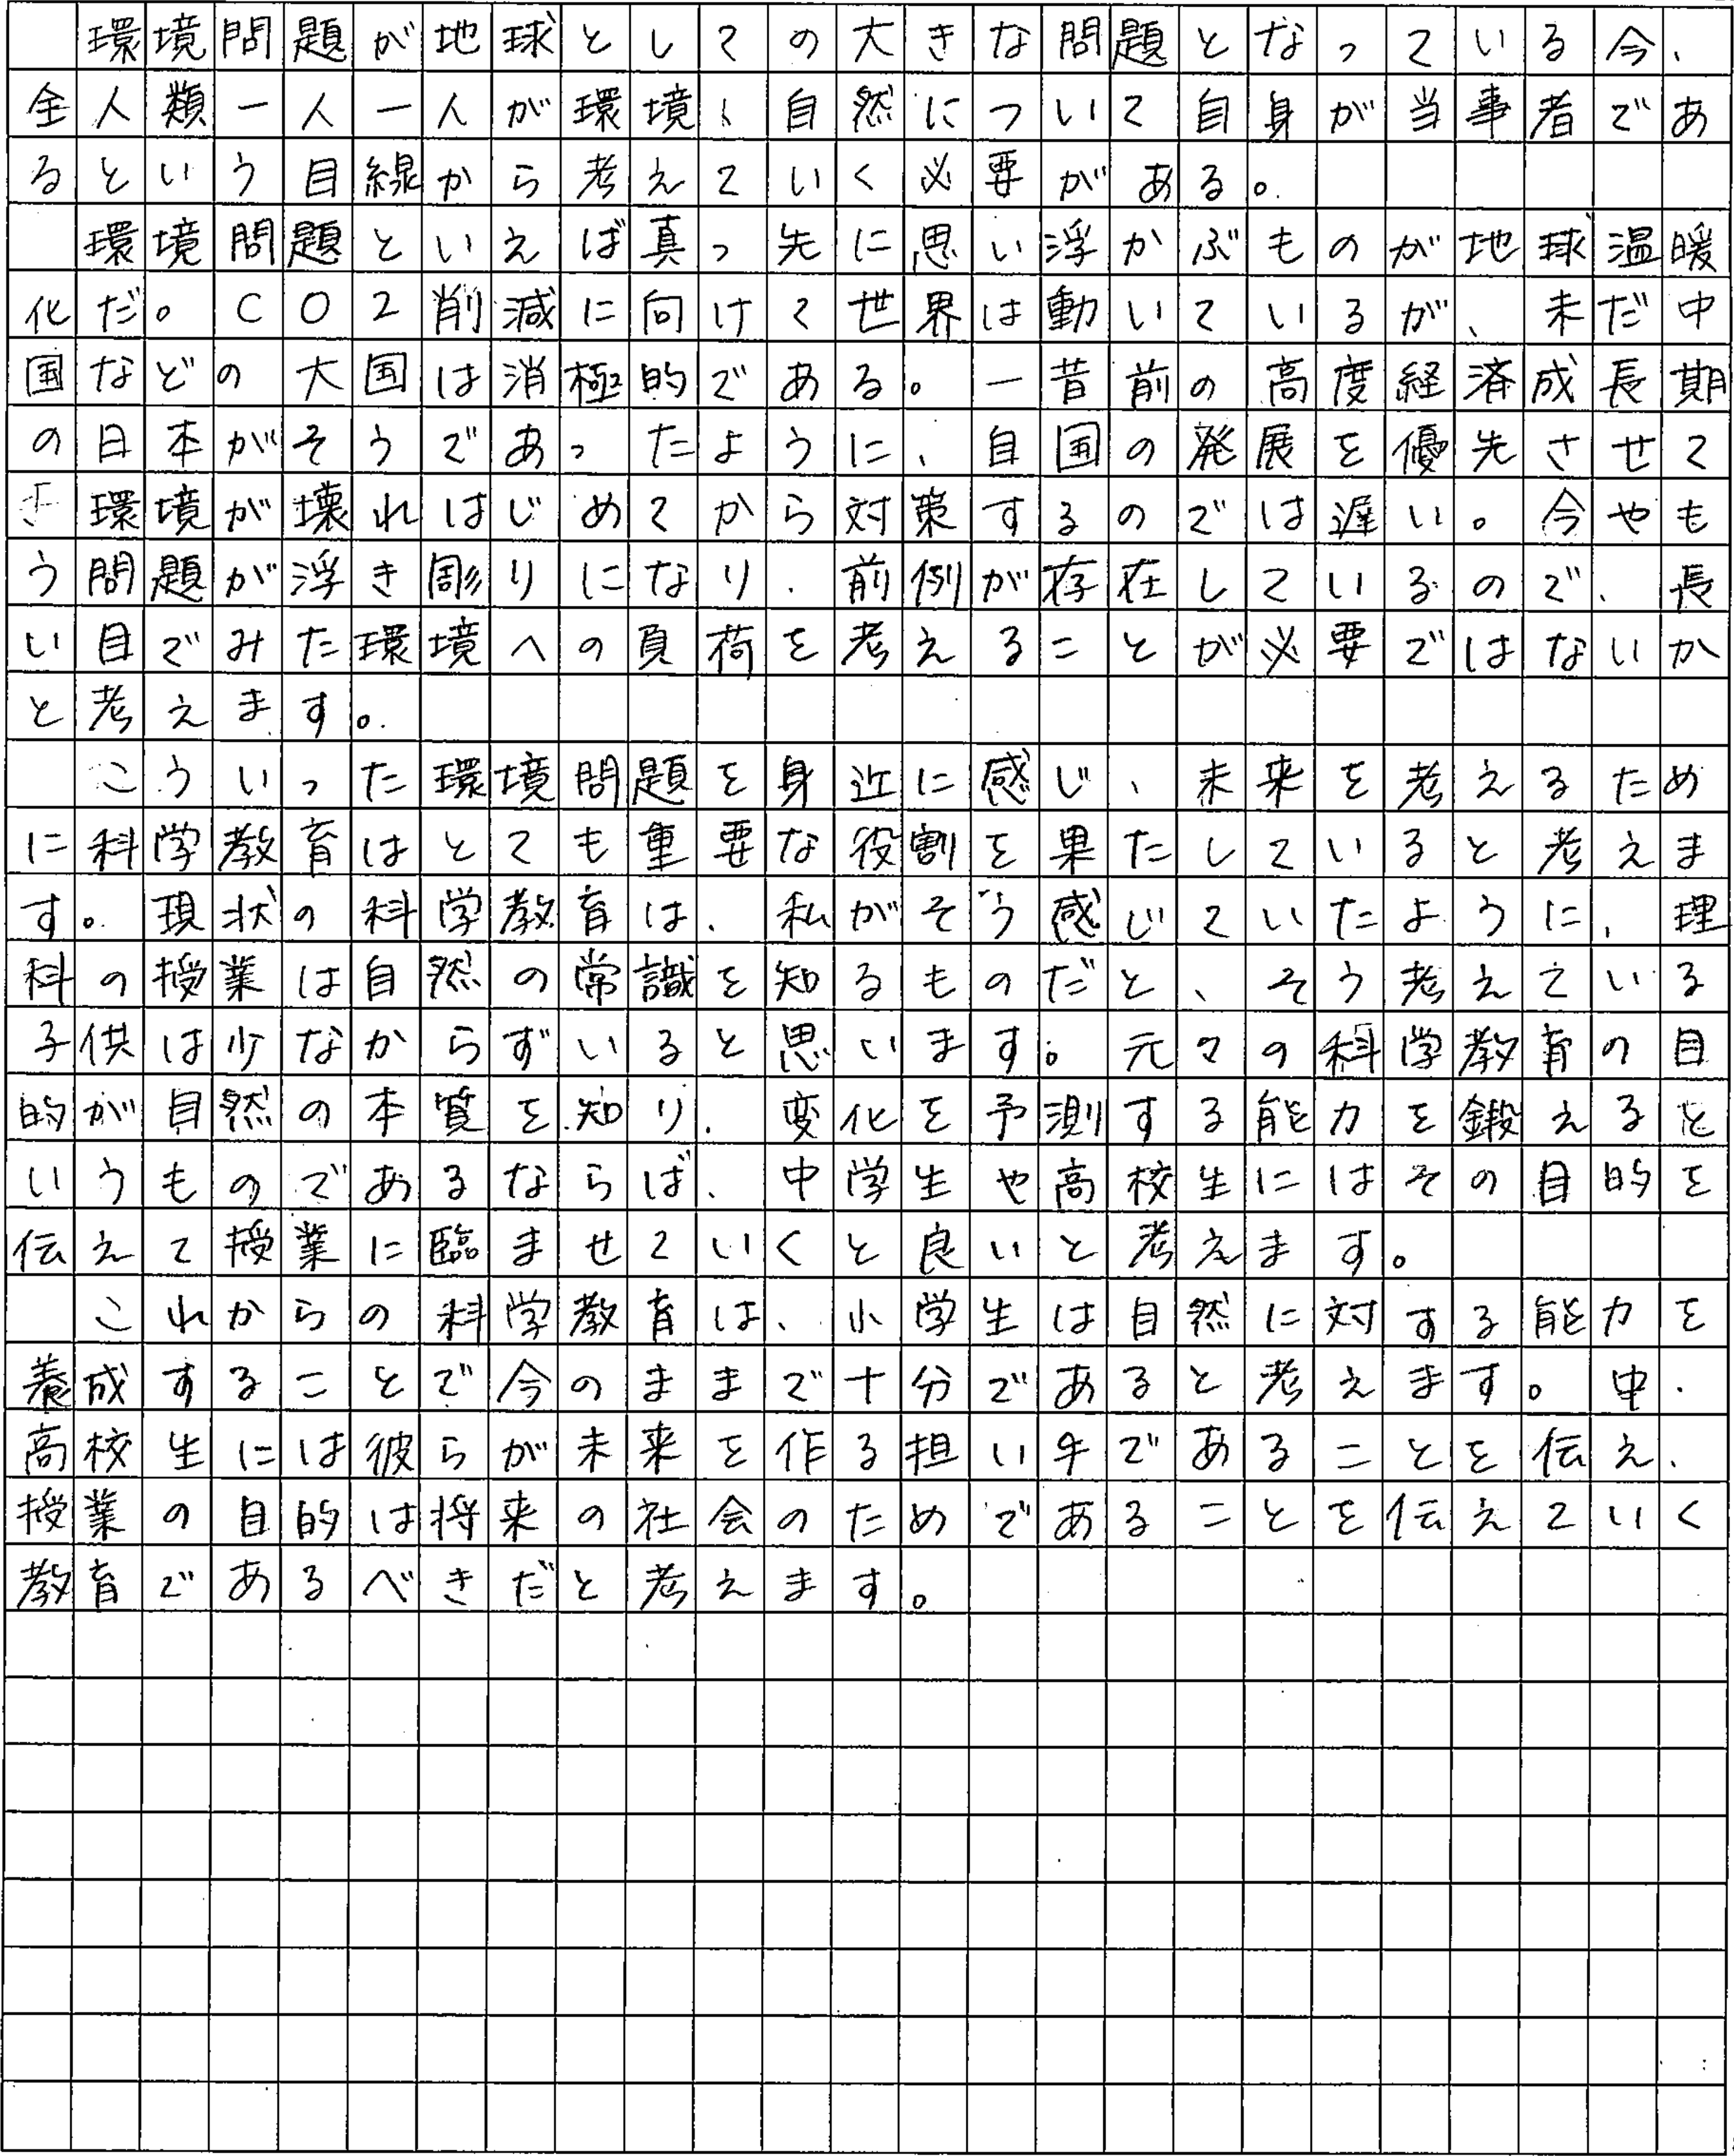　環境問題が地球としての大きな問題となっている今、全人類一人一人が環境、自然について自身が当事者であるという目線から考えていく必要がある。
　環境問題といえば真っ先に思い浮かぶものが地球温暖化だ。CO２削減に向けて世界は動いているが、未だ中国などの大国は消極的である。一昔前の高度経済成長期の日本がそうであったように、自国の発展を優先させて、環境が壊れはじめてから対策するのでは遅い。今やもう問題が浮き彫りになり、前例が存在しているので、長い目でみた環境への負荷を考えることが必要ではないかと考えます。
　こういった環境問題を身近に感じ、未来を考えるために科学教育はとても重要な役割を果たしていると考えます。現状の科学教育は、私がそう感じていたように、理科の授業は自然の常識を知るものだと、そう考えている子供は少なからずいると思います。元々の科学教育の目的が自然の本質を知り、変化を予測する能力を鍛えるというものであるならば、中学生や高校生にはその目的を伝えて授業に臨ませていくと良いと考えます。
　これからの科学教育は、小学生は自然に対する能力を養成することで今のままで十分であると考えます。中・高校生には彼らが未来を作る担い手であることを伝え、授業の目的は将来の社会のためであることを伝えていく教育であるべきだと考えます。
